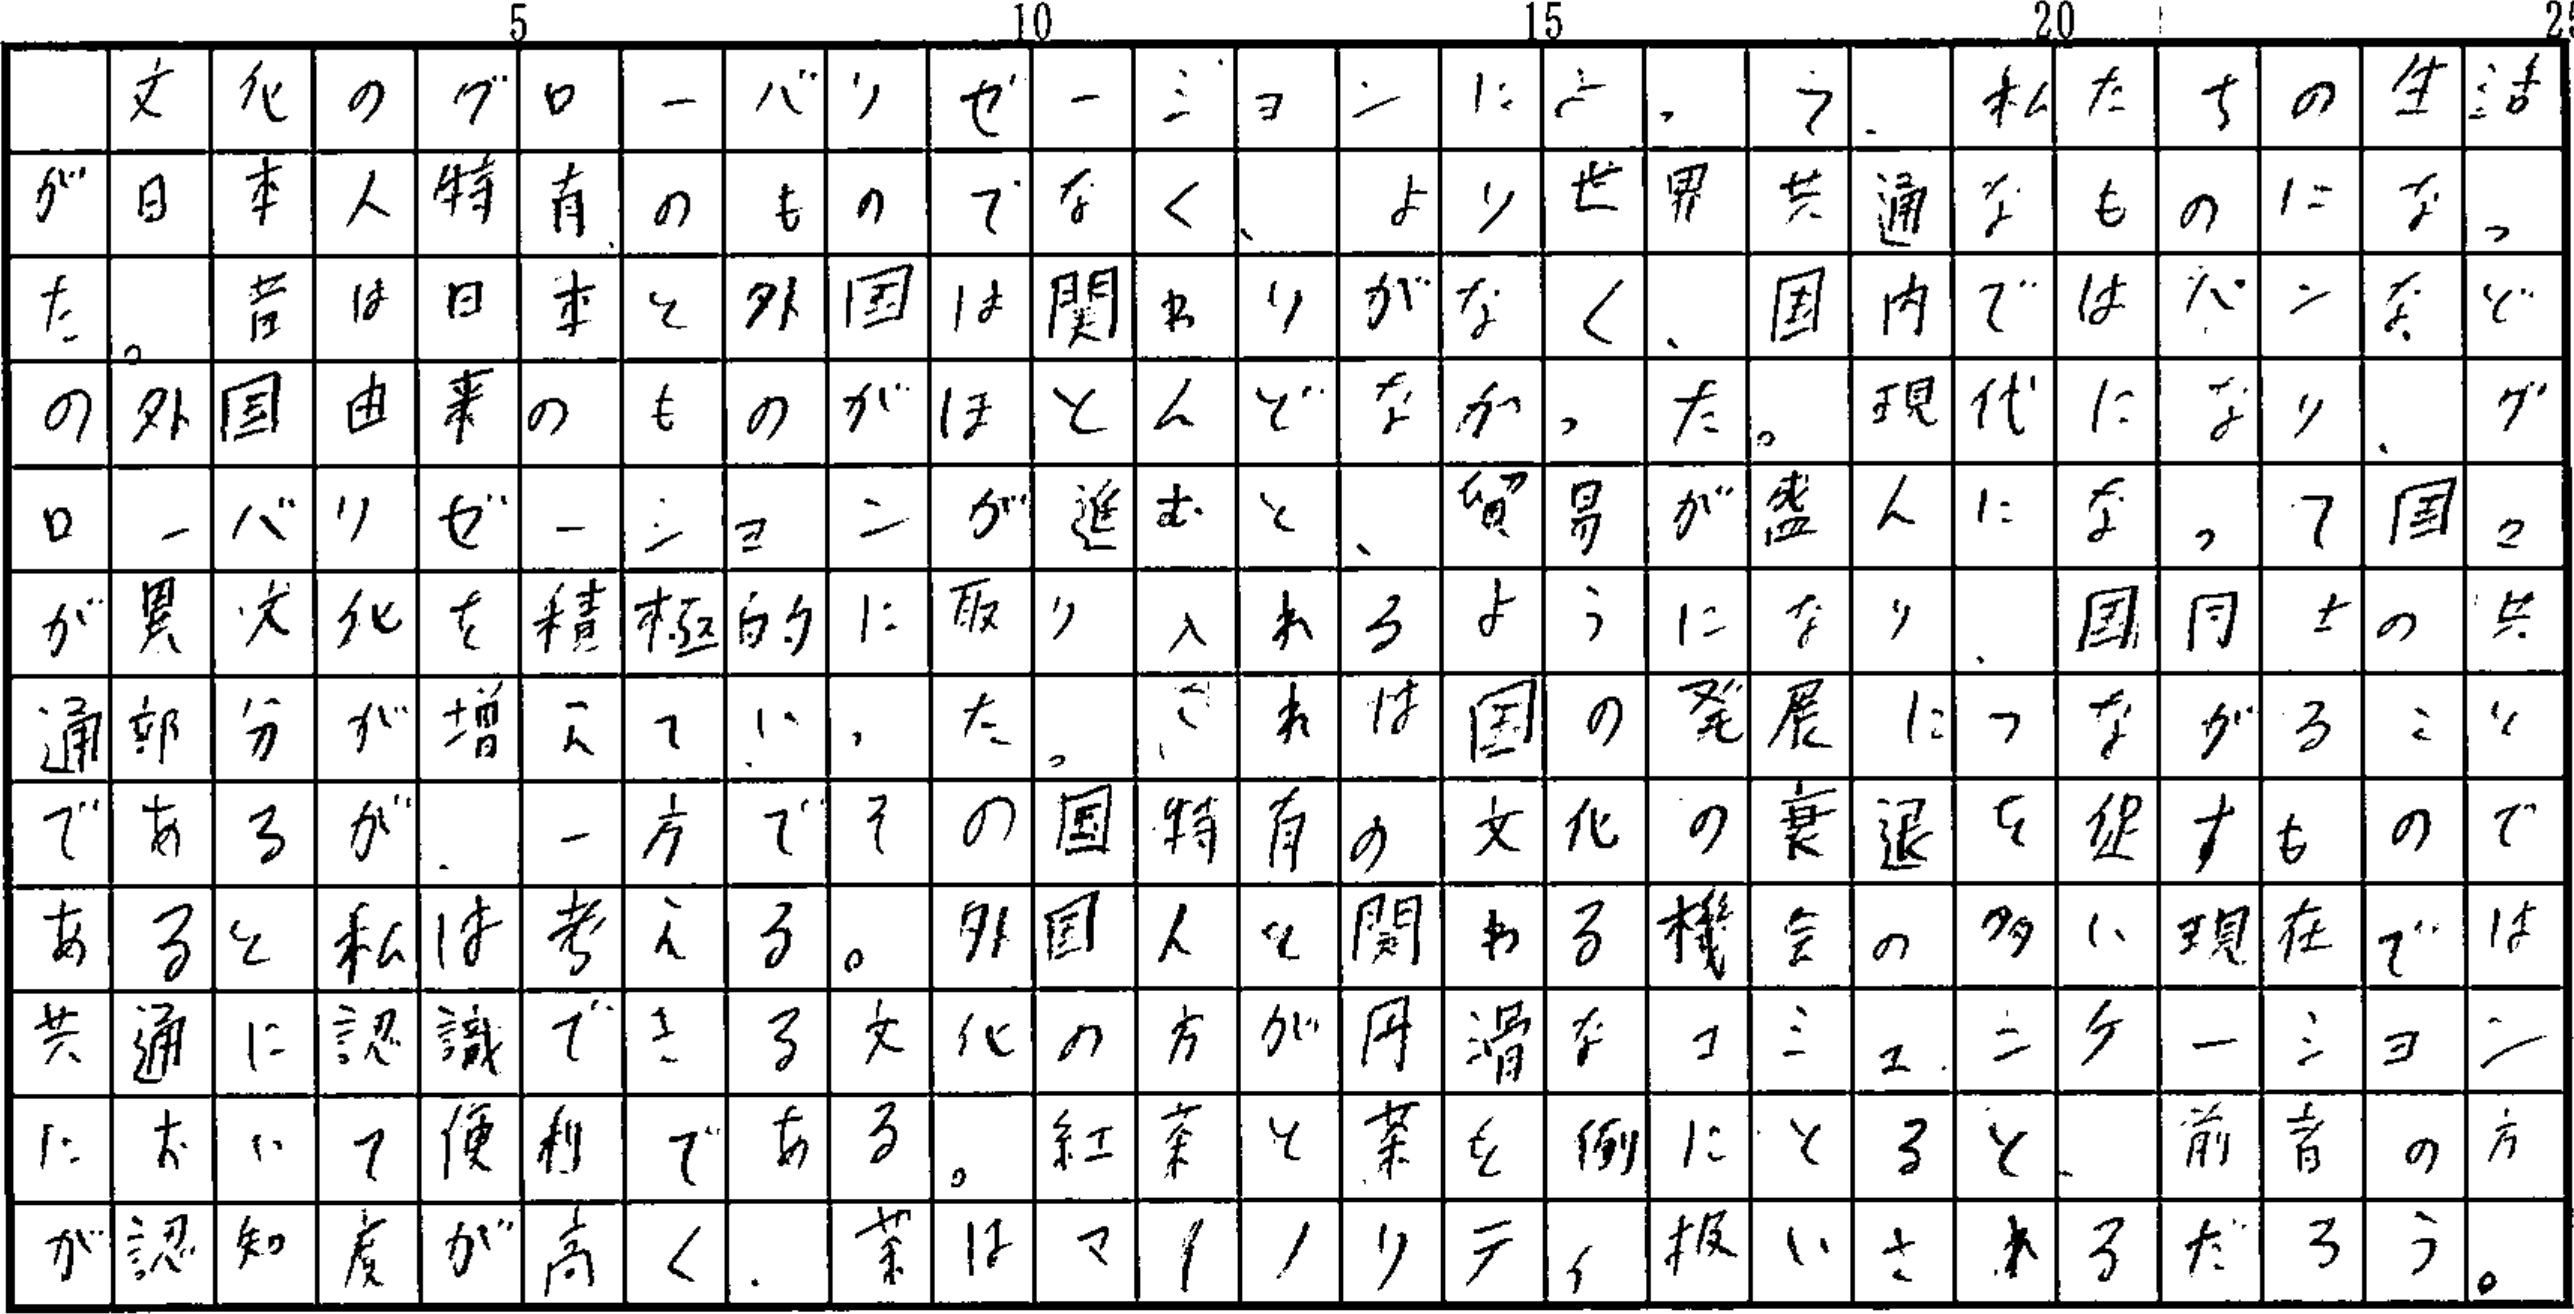　文化のグローバリゼーションによって、私たちの生活が日本人特有のものでなく、より世界共通なものになった。昔は日本と外国は関わりがなく、国内ではパンなどの外国由来のものがほとんどなかった。現代になり、グローバリゼーションが進むと、貿易が盛んになって国々が異文化を積極的に取り入れるようになり、国同士の共通部分が増えていった。これは国の発展につながることであるが、一方でその国特有の文化の衰退を促すものであると私は考える。外国人と関わる機会の多い現在では共通に認識できる文化の方が円滑なコミュニケーションにおいて便利である。紅茶と茶を例にとると、前者の方が認知度が高く、茶はマイノリティ扱いされるだろう。
